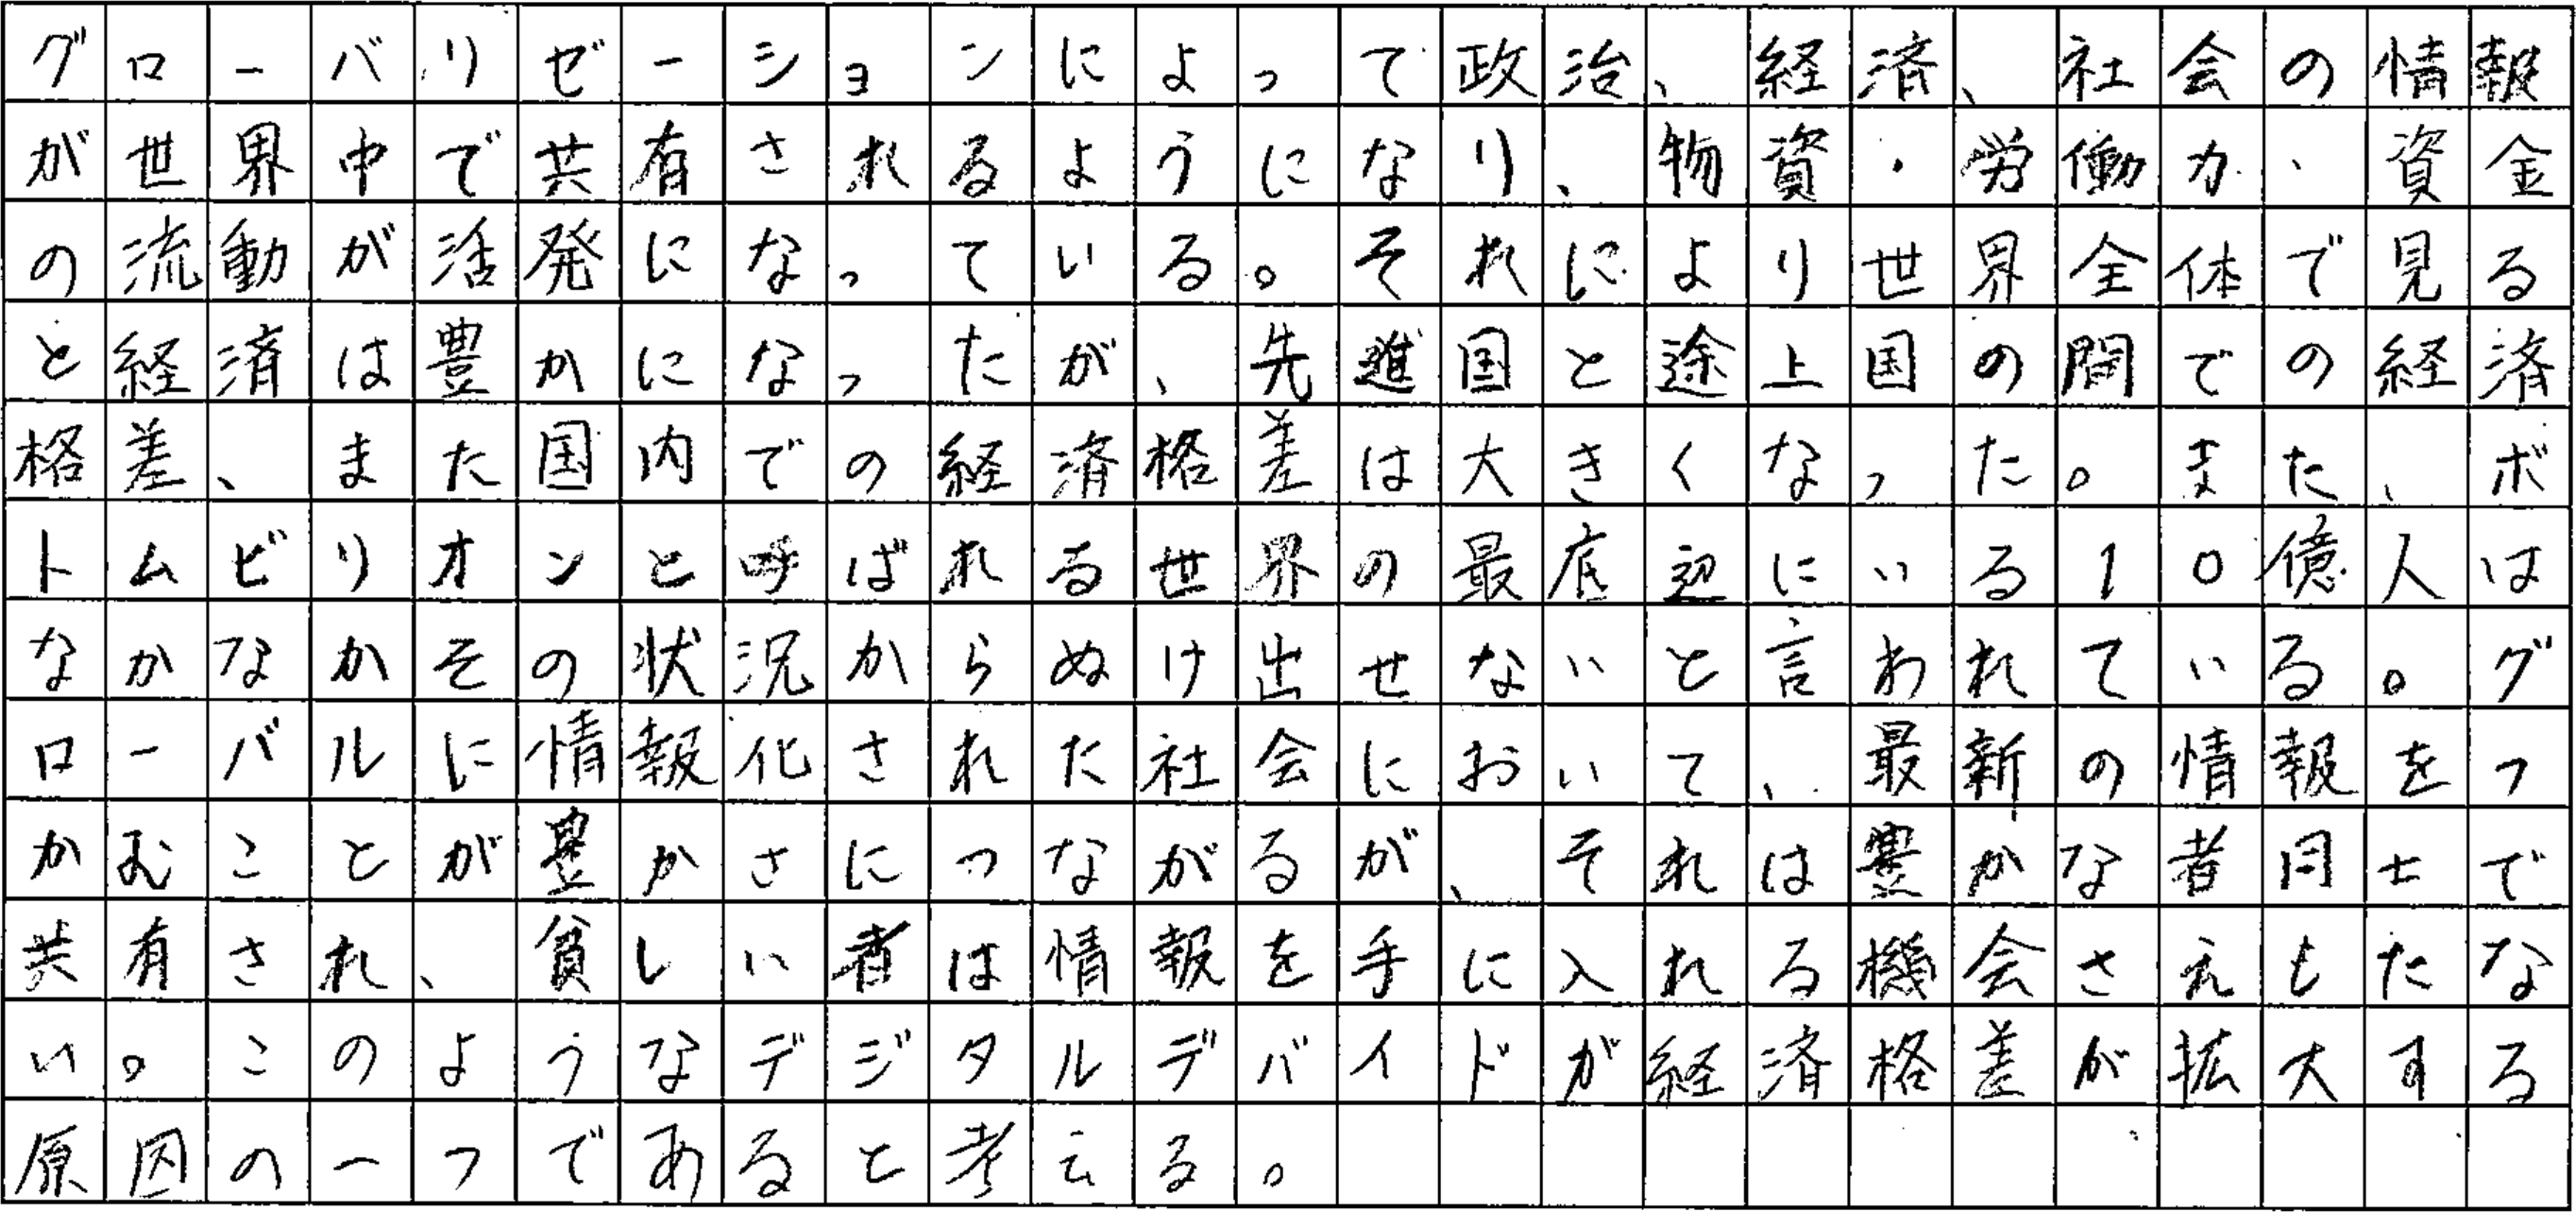グローバリゼーションによって政治、経済、社会の情報が世界中で共有されるようになり、物資・労働力・資金の流動が活発になっている。それにより世界全体で見ると経済は豊かになったが、先進国と途上国の間での経済格差、また国内での経済格差は大きくなった。また、ボトムビリオンと呼ばれる世界の最底辺にいる１０億人はなかなかその状況からぬけ出せないと言われている。グローバルに情報化された社会において、最新の情報をつかむことが豊かさにつながるが、それは豊かな者同士で共有され、貧しい者は情報を手に入れる機会さえもたない。このようなデジタルデバイドが経済格差が拡大する原因の一つであると考える。
